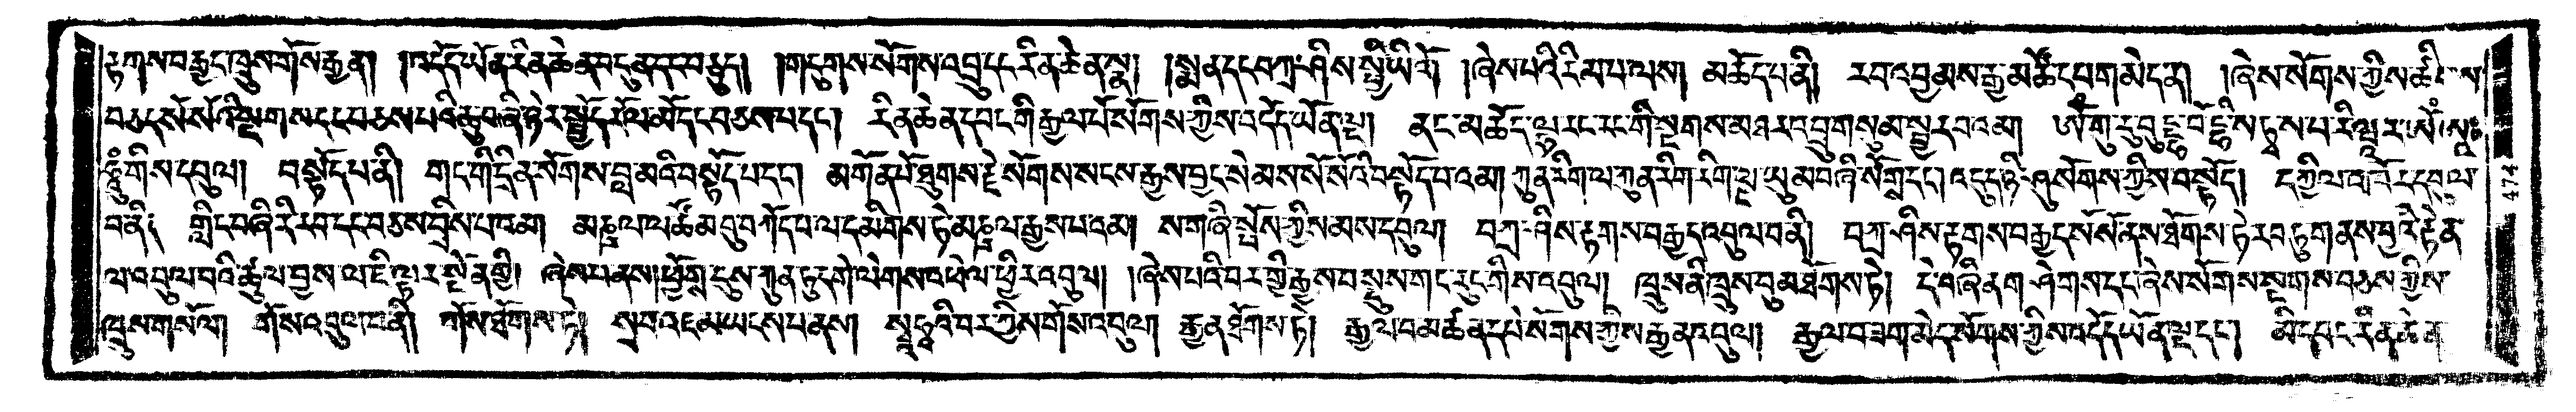རྟགས་བརྒྱད་ཁྲུས་གོས་རྒྱན། །འདོད་ཡོན་རིན་ཆེན་བདུན་དང་བཅུད། །གདུགས་སོགས་འབྲུ་དང་རིན་ཆེན་སྣ། །སྨན་དང་བཀྲ་ཤིས་སྤྱི་ཡིའོ། །ཞེས་པའི་རིམ་པ་ལས། མཆོད་པ་ནི། རབ་འབྱམས་རྒྱ་མཚོ་དཔག་མེད་ན། །ཞེས་སོགས་ཀྱི་ཚིགས་
བཅད་སོ་སོའི་སྔགས་དང་བཅས་པའི་ཆུ་བཞི་ཉེར་སྤྱོད་རོལ་མོ་དང་བཅས་པ་དང་། རིན་ཆེན་དབང་གི་རྒྱལ་པོ་སོགས་ཀྱིས་འདོད་ཡོན་ལྔ། ནང་མཆོད་ལྷ་རང་རང་གི་སྔགས་མཐར་འབྲུ་གསུམ་སྦྱར་བའམ། ཨོཾ་གུ་རུ་བུདྡྷ་བོ་དྷི་ས་ཏྭ་ས་པ་རི་ཝཱར་ཨོཾ་ཨཱཿ
ཧཱུཾ་གིས་དབུལ། བསྟོད་པ་ནི། གང་གི་དྲིན་སོགས་བླ་མའི་བསྟོད་པ་དང་། མགོན་པོ་ཐུགས་རྗེ་སོགས་སངས་རྒྱས་བྱང་སེམས་སོ་སོའི་བསྟོད་པའམ། ཀུན་རིག་ལ་ཀུན་རིག་རིག་ལྔ་ཡུམ་བཞི་སོགས་དང་། འདུད་ཉི་ཤུ་སོགས་ཀྱིས་བསྟོད། དཀྱིལ་འཁོར་དབུལ་
བ་ནི། གླིང་བཞི་རི་རབ་དང་བཅས་བྲིས་པའམ། མཎྜལ་ཚོམ་བུ་བཀོད་པ་ལ་དམིགས་ཏེ་མཎྜལ་རྒྱས་པ་འམ། སག་ཞི་སྤོས་ཀྱིས་མས་དབུལ། བཀྲ་ཤིས་རྟགས་བརྒྱད་འབུལ་བ་ནི། བཀྲ་ཤིས་རྟགས་བརྒྱད་སོ་སོ་ནས་ཐོགས་ཏེ་རབ་ཏུ་གནས་བྱའི་རྟེན་
ལ་འབུལ་བའི་ཚུལ་བྱས་ལ་ཇི་ལྟར་སྔོན་གྱི། ཞེས་པ་ནས། ཕྱོགས་དུས་ཀུན་ཏུ་དགེ་ལེགས་འཕེལ་ཕྱི་རབ་བུ་ལ། །ཞེས་པའི་བར་གྱི་རྒྱུས་བསྡུས་གང་རུང་གིས་འབུལ། ཁྲུས་ནི་ཁྲུས་བུམ་ཐོགས་ཏེ། དེ་བཞིན་གཤེགས་དང་ཞེས་སོགས་སྔགས་བཅས་ཀྱིས་
ཁྲུས་གསོལ། གོས་འབུལ་བ་ནི། གོས་ཐོགས་ཏེ། སྲབ་འཇམ་ཡངས་པ་ནས། སྭཱ་ཧཱའི་བར་ཀྱིས་གོས་འབུལ། རྒྱན་ཐོགས་ཏེ། རྒྱལ་མཚན་དཔེ་སོགས་ཀྱིས་རྒྱན་འབུལ། རྒྱལ་བ་ཟག་མེད་སོགས་ཀྱིས་འདོད་ཡོན་ལྔ་དང་། མི་དབང་རིན་ཆེན་